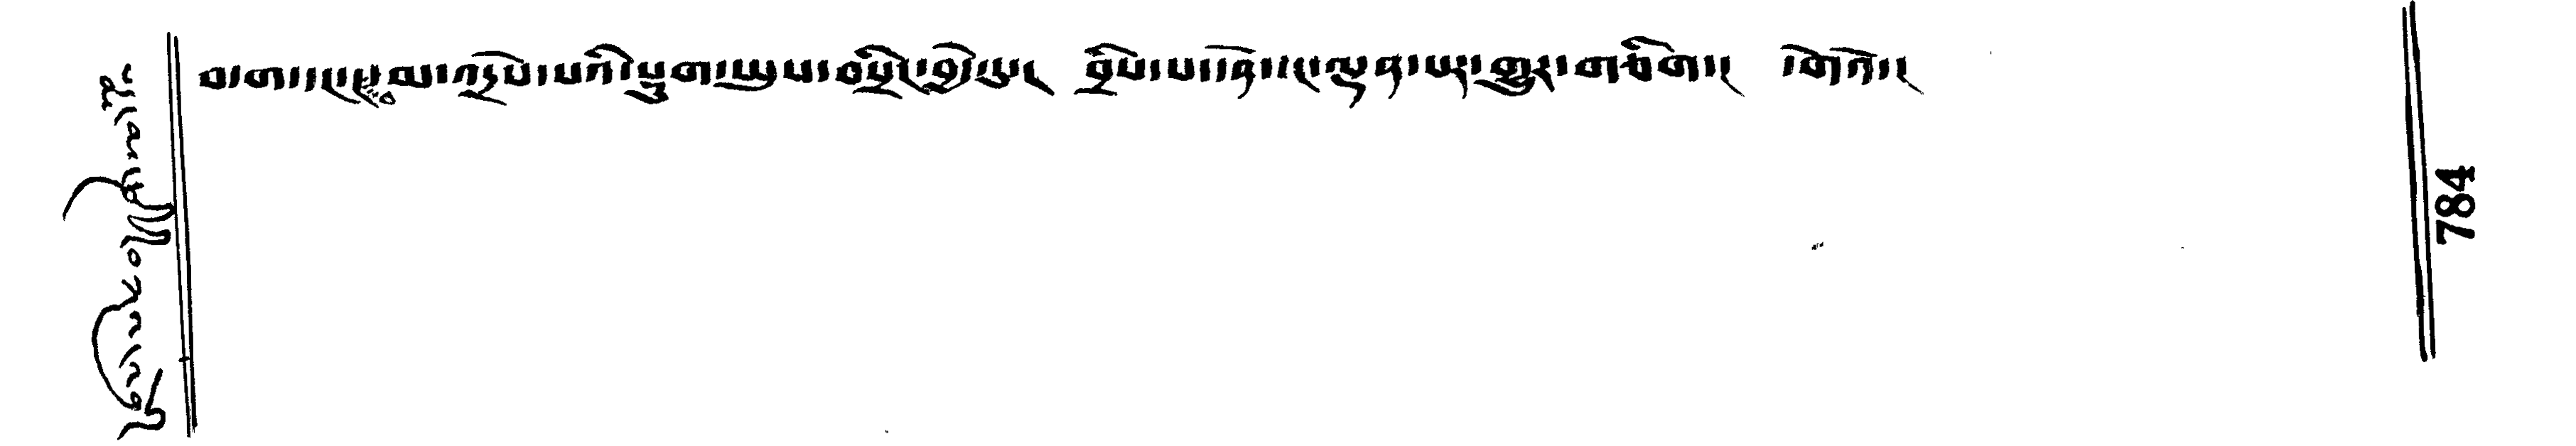བདག་དང་ངབ་ ? )མ་འདྲེས་པའི་སྡུག་ཡུས་བསྲིང་བྱེད་དུ་བྲིས་པ་དོན་དང་ལྡན་པར་གྱུར་གཅིག། དགེའོ།།